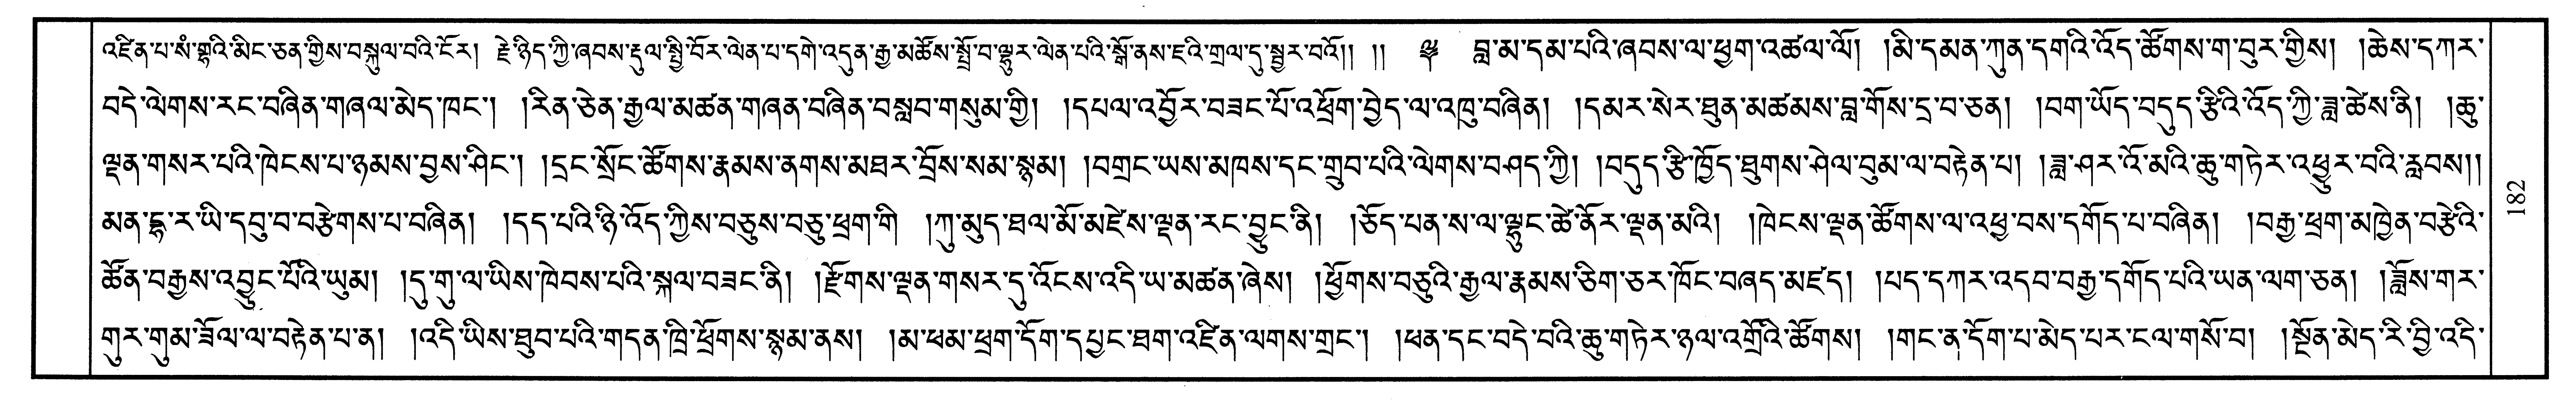འཛིན་པ་སཾ་གྷའི་མིང་ཅན་གྱིས་བསྐུལ་བའི་ངོར། རྗེ་ཉིད་ཀྱི་ཞབས་རྡུལ་སྤྱི་བོར་ལེན་པ་དགེ་འདུན་རྒྱ་མཚོས་སྤྲོ་བ་ལྷུར་ལེན་པའི་སྒོ་ནས་ཇའི་གྲལ་དུ་སྦྱར་བའོ།། །། ༈ བླ་མ་དམ་པའི་ཞབས་ལ་ཕྱག་འཚལ་ལོ། །མི་དམན་ཀུན་དགའི་འོད་ཚོགས་ག་བུར་གྱིས། །ཆེས་དཀར་
བདེ་ལེགས་རང་བཞིན་གཞལ་མེད་ཁང་། །རིན་ཅེན་རྒྱལ་མཚན་གཞན་བཞིན་བསླབ་གསུམ་གྱི། །དཔལ་འབྱོར་བཟང་པོ་འཕྲོག་བྱེད་ལ་འཁུ་བཞིན། །དམར་སེར་ཐུན་མཚམས་བླ་གོས་དྲ་བ་ཅན། །བག་ཡོད་བདུད་རྩིའི་འོད་ཀྱི་ཟླ་ཚེས་ནི། །ཆུ་
ལྡན་གསར་པའི་ཁེངས་པ་ཉམས་བྱས་ཤིང་། །དྲང་སྲོང་ཚོགས་རྣམས་ནགས་མཐར་བྲོས་སམ་སྙམ། །བགྲང་ཡས་མཁས་དང་གྲུབ་པའི་ལེགས་བཤད་ཀྱི། །བདུད་རྩི་ཁྱོད་ཐུགས་ཤེལ་བུམ་ལ་བརྟེན་པ། །ཟླ་ཤར་འོ་མའི་ཆུ་གཏེར་འཕྱུར་བའི་རླབས།།
མན་དྷ་ར་ཡི་དབུ་བ་བརྩེགས་པ་བཞིན། །དད་པའི་ཉི་འོད་ཀྱིས་བཅུས་བཅུ་ཕྲག་གི །ཀུ་མུད་ཐལ་མོ་མཛེས་ལྡན་རང་བྱུང་ནི། །ཅོད་པན་ས་ལ་ལྷུང་ཚེ་ནོར་ལྡན་མའི། །ཁེངས་ལྡན་ཚོགས་ལ་འཕྱ་བས་དགོད་པ་བཞིན། །བརྒྱ་ཕྲག་མཁྱེན་བརྩེའི་
ཚོན་བརྒྱས་འབྱུང་པོའི་ཡུམ། །དུ་གུ་ལ་ཡིས་ཁེབས་པའི་སྐལ་བཟང་ནི། །རྫོགས་ལྡན་གསར་དུ་འོངས་འདི་ཡ་མཚན་ཞེས། །ཕྱོགས་བཅུའི་རྒྱལ་རྣམས་ཅིག་ཅར་ཁོང་བཞད་མཛད། །པད་དཀར་འདབ་བརྒྱ་དགོད་པའི་ཡན་ལག་ཅན། །ཟློས་གར་
གུར་གུམ་ཟོལ་ལ་བརྟེན་པ་ན། །འདི་ཡིས་ཐུབ་པའི་གདན་ཁྲི་ཕྲོགས་སྙམ་ནས། །མ་ཕམ་ཕྲག་དོག་དཔྱང་ཐག་འཛིན་ལགས་གྲང་། །ཕན་དང་བདེ་བའི་ཆུ་གཏེར་ཉལ་འགྲོའི་ཚོགས། །གང་ན་དོག་པ་མེད་པར་ངལ་གསོ་བ། །སྔོན་མེད་རི་བྱི་འདི་